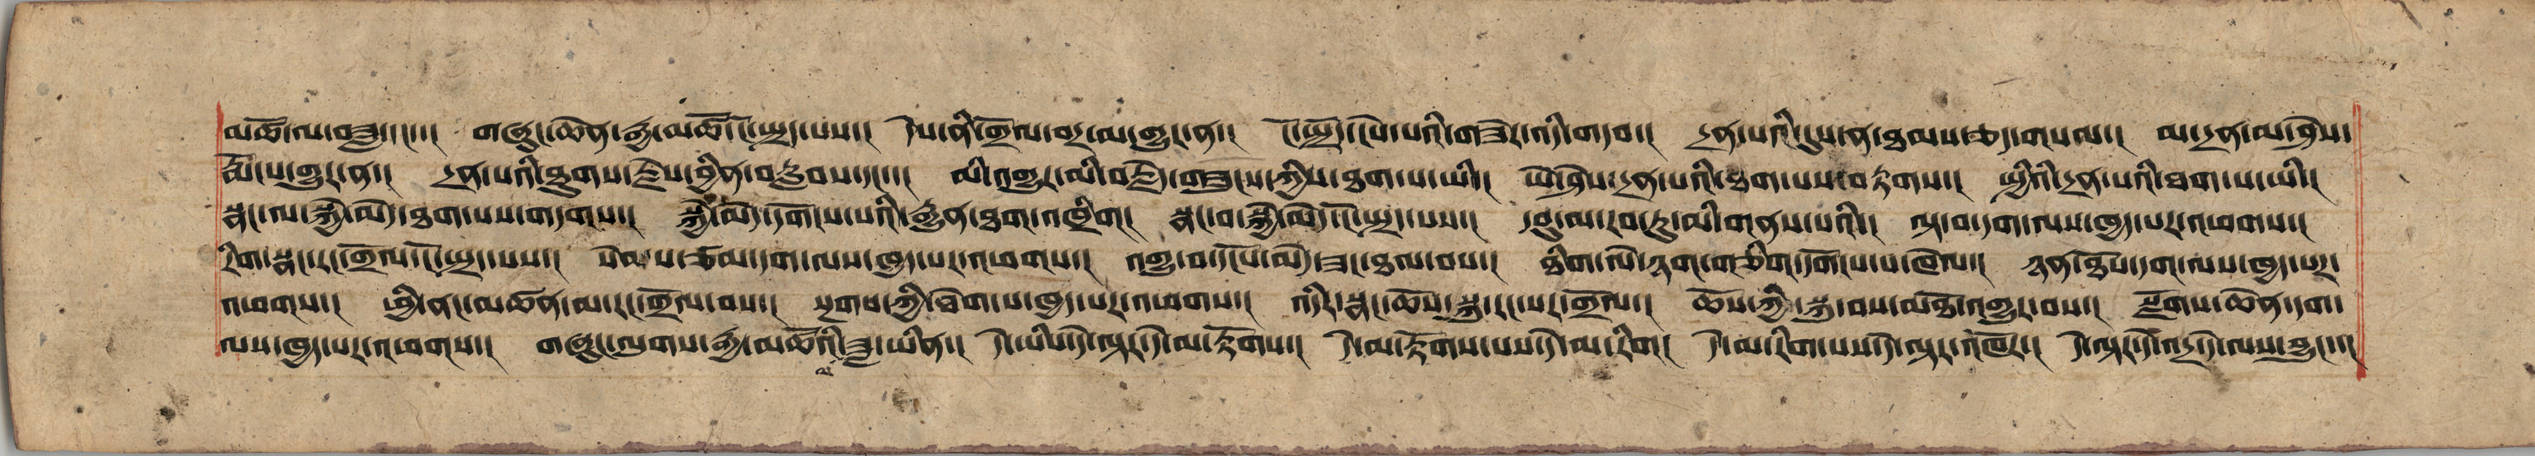མཚོ་ལ་བཟླ་དང་་། གཞུང་ཆེན་རྒྱ་མཚོ་ངོ་སྤྲད་པས་། དེས་ནི་གྲོལ་བར་མ་གྱུར་ན་། ངོ་སྤྲོད་ངེས་པའིི་གཟེར་འདི་གདབ་། དྲན་པའི་དུས་ན་ཐམས་ཅད་གསལ་། མ་དྲན་མ་ཤེས་
རྨོངས་གྱུར་ན་། དྲན་པའི་ཐུགས་རྗེས་བྱིན་བརླབས་དང་་། མི་འགྱུར་མི་བརྗེད་གཟུངས་ཀྱིས་ཐག་པ་ཡི་། ཡེ་ཤེས་དྲན་པའི་ཐག་པས་བརྟགས་། སྤྱིའི་དྲན་པའི་ཐག་པ་ཡི་།
སྣང་ལ་སྐྱེ་མེད་ཐག་པས་གདགས་། སྐྱེ་མེད་དགོངས་པའི་རྒྱུན་ཐག་འཁྲིག། སྣང་བ་སྐྱེ་མེད་ངོ་སྤྲད་པས་། དབུ་མ་རབ་ཏུ་མི་གནས་པའི་། ལྟ་བ་དག་ལས་ཁྱད་པར་འཕགས་།
རིག་སྣང་རང་གྲོལ་ངོ་སྤྲད་པས་། སེམས་ཙམ་དག་ལས་ཁྱད་པར་འཕགས་། འགྱུ་བ་དངོས་མེད་ཟང་ཐལ་བས་། ཐིག་ལེ་ཉག་གཅིག་དགོངས་པ་ཁེལ་། ཉན་ཐོས་དག་ལས་ཁྱད་པར་
འཕགས་། ཕྱི་ནང་མཚན་མ་རང་གྲོལ་བས་། སྔགས་ཀྱི་ཐེག་པ་ཁྱད་པར་འཕགས་། འདིར་སྣང་ཆོས་སྐུ་རང་སར་གྲོལ་། ཆོས་ཀྱི་སྐུ་བས་མཐོ་འགྱུར་བས་། སྫོགས་ཆེན་དག་
ལས་ཁྱད་པར་འཕགས་། གཞུང་ལུགས་རྒྱ་མཚོའི་ཟླ་ཡིན་། དེ་ཡིས་དེ་ལྟར་དེ་མ་རྟོགས་། དེ་མ་རྟོགས་པས་དེ་མ་རིག། དེ་མ་རིག་པས་དེ་ལྟར་འཁོར་། དེ་ལྟར་དེ་འདྲ་དེ་ལས་བྱུང་་།